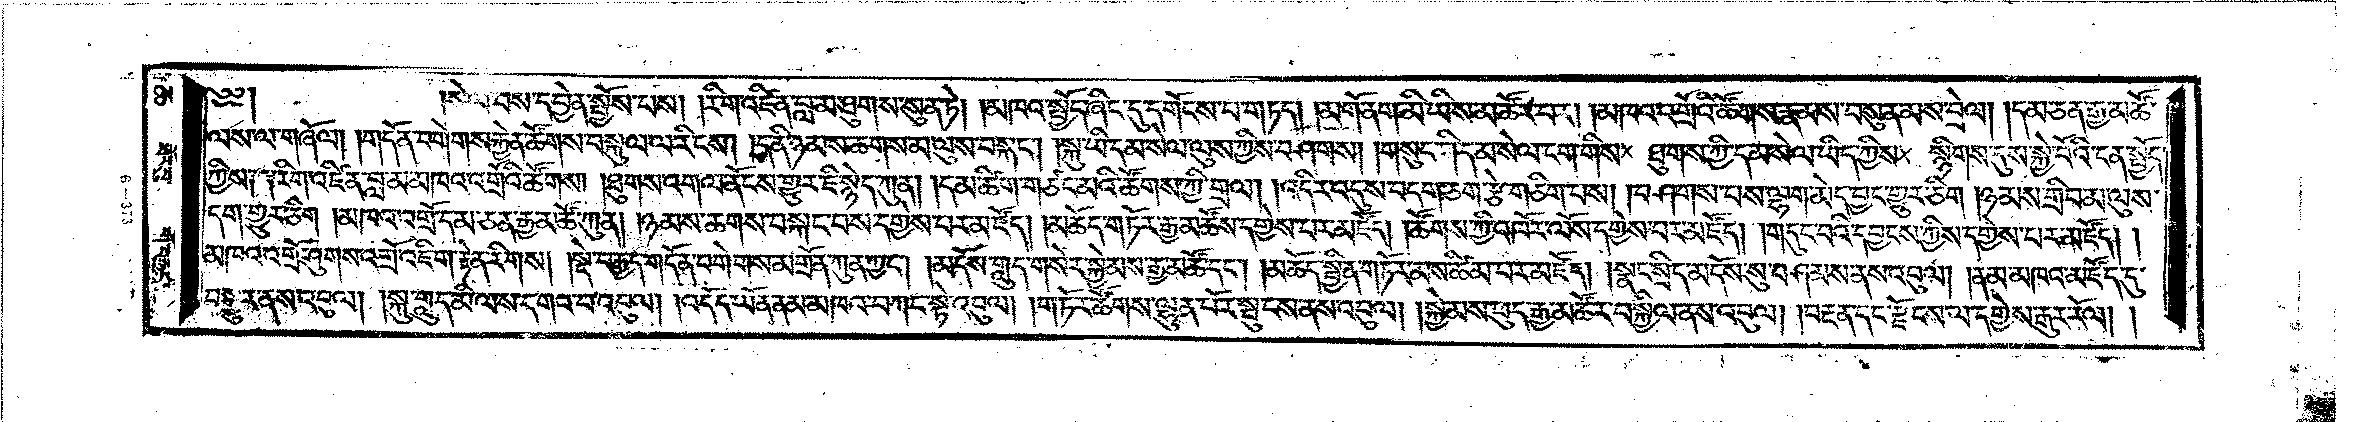༄༅། །སེལ་བས་དབྱེན་སྤྱོས་པས། །རིག་འཛིན་བླ་མ་ཐུགས་སུན་ཏེ། །མཁའ་སྤྱོད་ཞིང་དུ་དགོངས་པ་གཏད། །མགོ་ནག་མི་ཡིས་མཚོར་བར། །མཁའ་འགྲོའི་ཚོགས་རྣམས་བསུན་མས་བྲེལ། །དམ་ཅན་རྒྱ་མཚོ་
ལས་ལ་གཞོལ། །གདོན་བགེགས་རྐྱེན་ཚོགས་བསྐུལ་ལ་རིངས། །ད་ནི་ཉམས་ཆགས་མ་ལུས་བསྐང་། །སྐུ་ཡི་དམ་སེལ་ལུས་ཀྱིས་བཤགས། །གསུང་གི་དམ་སེལ་ངག་གིས་྾་ཐུགས་ཀྱི་དམ་སེལ་ཡིད་ཀྱིས་྾་སྙིགས་དུས་སྐྱེ་བོའི་ངན་སྤྱོད་
ཀྱིས༑ ༑རིག་འཛིན་བླ་མ་མཁའ་འགྲོའི་ཚོགས། །ཐུགས་འགལ་ནོངས་གྱུར་ཇི་སྙེད་ཀུན། །དམ་ཚིག་གཙང་མའི་ཚོགས་ཀྱི་གྲལ། །འདིར་འདུས་བདག་ཅག་རྩེ་གཅིག་པས། །བཤགས་པས་ལྷག་མེད་བྱང་གྱུར་ཅིག །ཉམས་གྲིབ་མ་ལུས་
དག་གྱུར་ཅིག །མཁའ་འགྲོ་དམ་ཅན་རྒྱ་མཚོ་ཀུན། །ཉམས་ཆགས་བསྐང་བས་དགྱེས་པར་མཛོད། །མཆོད་གཏོར་རྒྱ་མཚོས་དགྱེས་པར་མཛོད། །ཚོགས་ཀྱི་འཁོར་ལོས་དགྱེས་པར་མཛོད། །གདུང་བའི་དབྱངས་ཀྱིས་དགྱེས་པར་མཛོད། །
མཁའ་འགྲོ་ཤུགས་འགྲོ་འཇིག་རྟེན་རིགས། །སྡེ་བརྒྱད་གདོན་བགེགས་མགྲོན་ཀུན་ཀྱང་། །མདོས་གླུད་གསེར་སྐྱེམས་རྒྱ་མཚོ་དང་། །མཆོད་སྦྱིན་གཏོར་མས་ཚིམ་བར་མཛོད། །སྣང་སྲིད་མདོས་སུ་བཤམས་ནས་འབུལ། །ནམ་མཁའ་མཛོད་དུ་
བསྒྱུར་ནས་འབུལ། །སྐུ་གླུད་མི་ལས་དགའ་བ་འབུལ། །འདོད་ཡོན་ནམ་མཁའ་བཀང་སྟེ་འབུལ། །གཏོར་ཚོགས་ལྷུན་པོར་སྤུངས་ནས་འབུལ། །སྐྱེམས་ཕུད་རྒྱ་མཚོར་བསྐྱིལ་ནས་འབུལ། །བརྔན་དང་རྫོངས་ལ་དགྱེས་རྒུར་རོལ། །